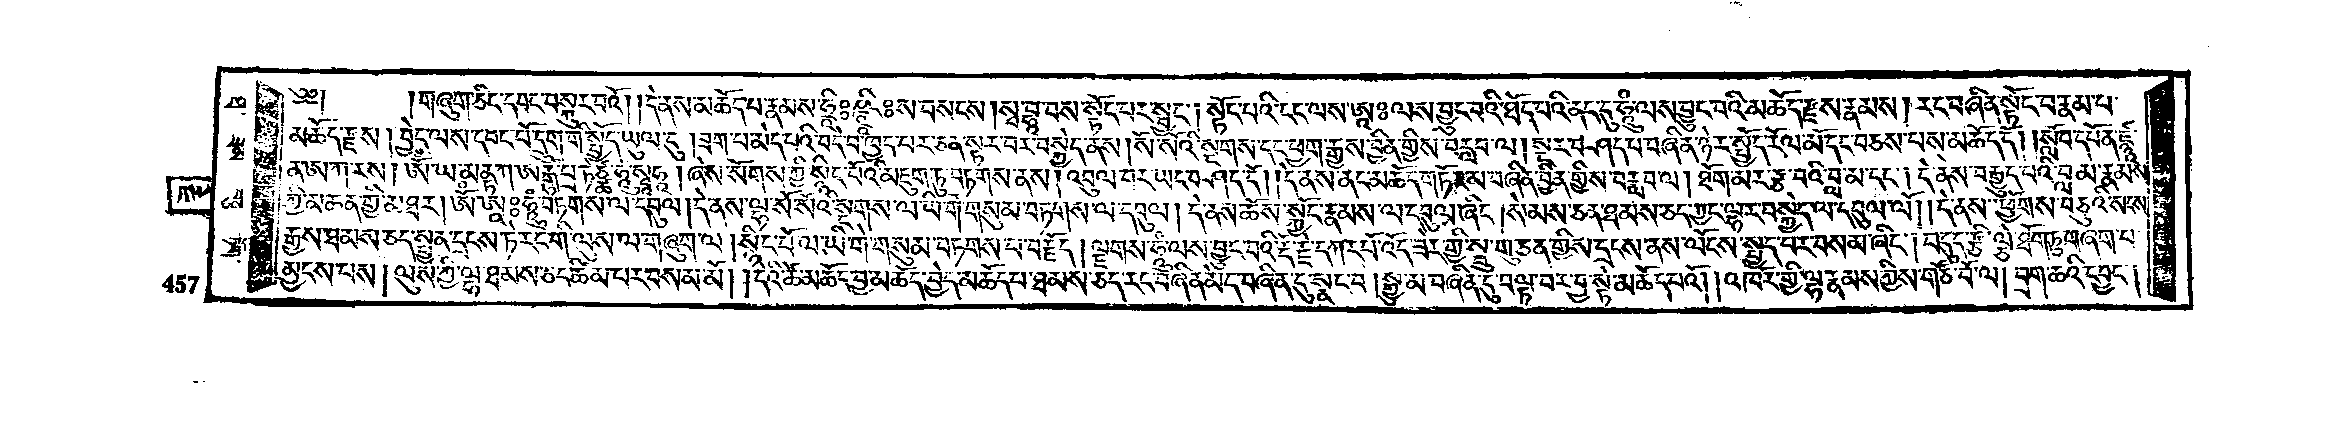༄༅།། གཞུག་ཅིང་དབང་བསྐུར་བའོ། དེ་ནས་མཆོད་པ་རྣམས་ཧྲཱིཿ ཥྚྲཱིཿ ས་བསངས། སྭ་བྷཱ་བས་སྟོང་པར་སྦྱང་། སྟོང་པའི་ངང་ལས་ཨཱཿ ལས་བྱུང་བའི་ཐོད་པའི་ནང་དུ་ཧཱུཾ་ལས་བྱུང་བའི་མཆོད་རྫས་རྣམས། རང་བཞིན་སྟོང་པ་རྣམ་པ་
མཆོད་རྫས། བྱེད་ལས་དབང་པོ་དྲུག་གི་སྤྱོད་ཡུལ་དུ། ཟག་པ་མེད་པའི་བདེ་བ་ཁྱད་པར་ཅན་སྟེར་བར་བསྐྱེད་ནས། སོ་སོའི་སྔགས་དང་ཕྱག་རྒྱས་བྱིན་གྱིས་བརླབ་ལ། སྔར་བཤད་པ་བཞིན་ཉེར་སྤྱོད་རོལ་མོ་དང་བཅས་པས་མཆོད་དོ། །སློབ་དཔོན་ཛྙཱ་
ན་ཨ་ཀ་རས། ཨོཾ་ཡ་མནྟ་ཀ་ཨརྒྷཾ་པྲ་ཏེཙྪ་ཧཱུཾ་སྭཱཧཱ། ཞེས་སོགས་ཀྱི་སྙིང་པོའི་མཇུག་ཏུ་བཏགས་ནས། འབུལ་བར་ཡང་བཤད་དོ། །དེ་ནས་ནང་མཆོད་གཏོར་མ་བཞིན་བྱིན་གྱིས་བརླབ་ལ། ཐོག་མར་རྩ་བའི་བླ་མ་དང་། དེ་ནས་བརྒྱུད་པའི་བླ་མ་རྣམས་
ཀྱི་མཚན་གྱི་མཐར། ཨོཾ་ཨཱཿ ཧཱུཾ་བཏགས་ལ་དབུལ། དེ་ནས་ལྷ་སོ་སོའི་སྔགས་ལ་ཡི་གེ་གསུམ་བཏགས་ལ་དབུལ། དེ་ནས་ཆོས་སྐྱོང་རྣམས་ལ་དབུལ་ཞིང་། སེམས་ཅན་ཐམས་ཅད་ཀྱང་ལྷར་བསྐྱེད་ལ་དབུལ་ལོ། །དེ་ནས་ཕྱོགས་བཅུའི་སངས་
རྒྱས་ཐམས་ཅད་སྤྱན་དྲངས་ཏེ་རང་གི་ལུས་ལ་གཞུག་ལ། སྙིང་པོ་ལ་ཡི་གེ་གསུམ་བཏགས་པ་བརྗོད། ལྗགས་ཧཱུཾ་ལས་བྱུང་བའི་རྡོ་རྗེ་དཀར་པོ་འོད་ཟེར་གྱི་སྦུ་གུ་ཅན་གྱིས་དྲངས་ནས་ལོངས་སྤྱད་པར་བསམ་ཞིང་། བདུད་རྩི་ལྕེ་ཐོག་ཏུ་གཞག་པ་
མྱངས་པས། ལུས་ཀྱི་ལྷ་ཐམས་ཅད་ཚིམ་པར་བསམ་མོ། །དེའི་ཚེ་མཆོད་བྱ་མཆོད་བྱེད་མཆོད་པ་ཐམས་ཅད་རང་བཞིན་མེད་བཞིན་དུ་སྣང་བ། སྒྱུ་མ་བཞིན་དུ་བལྟ་བར་བྱ་སྟེ་མཆོད་པའོ། །འཁོར་གྱི་ལྷ་རྣམས་ཀྱིས་གཙོ་བོ་ལ། བྲག་ཆའི་དབྱངས།